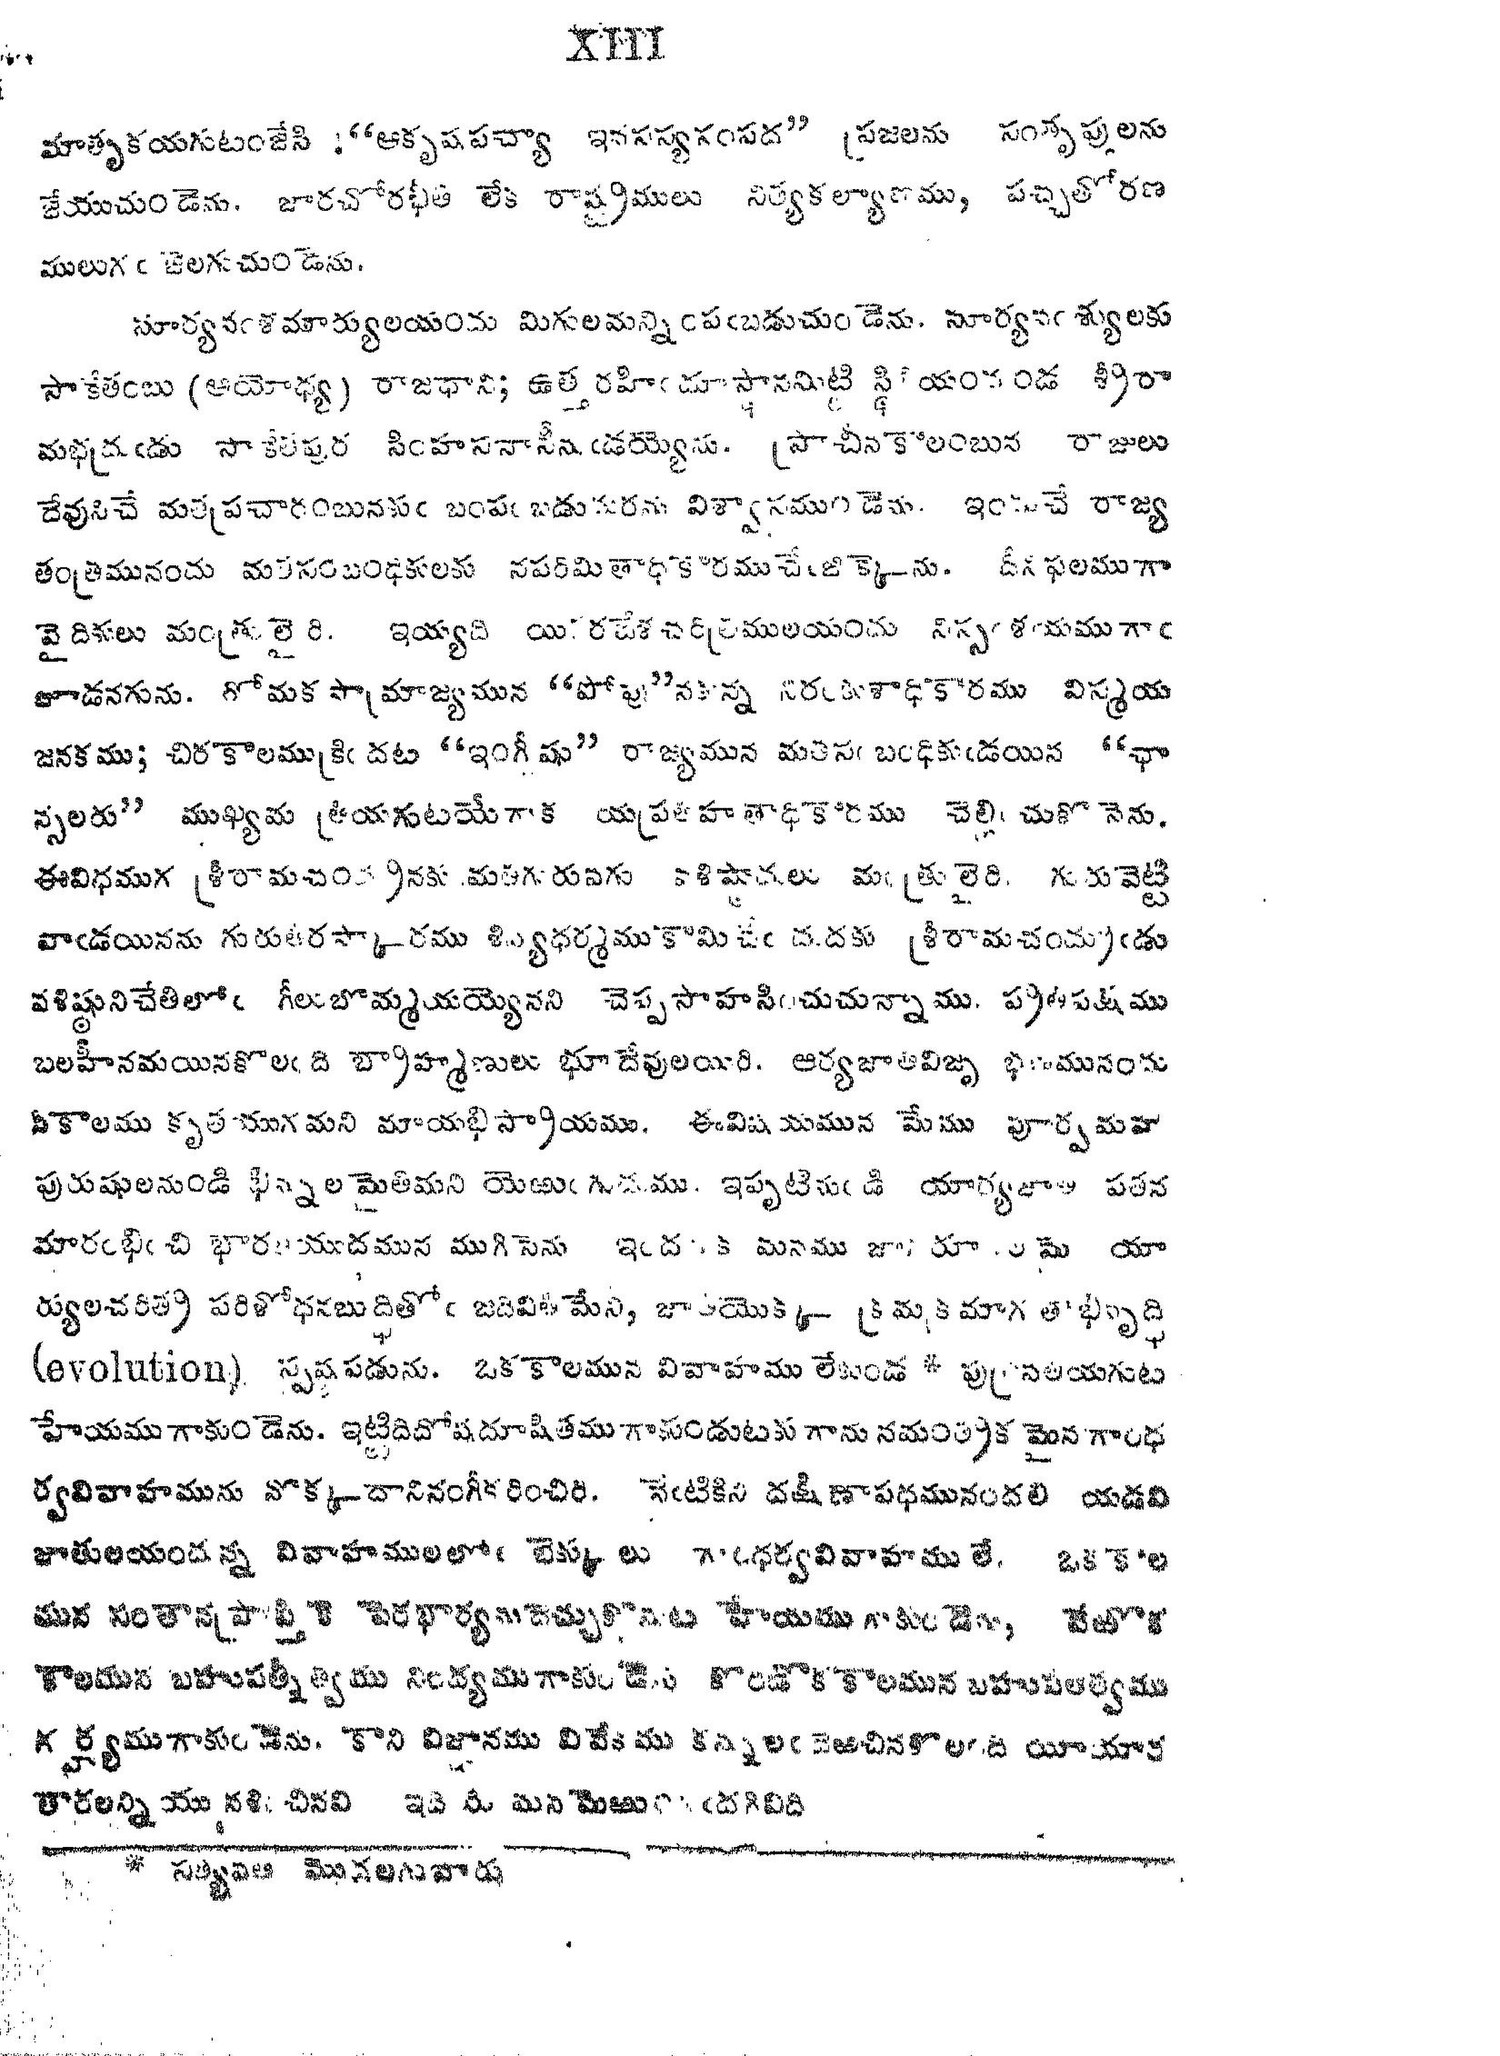మాతృక యగుటం జేసి "ఆకృష పద్యా ఇవ సస్యసంపద” ప్రజలను సంతృప్తులను
జేయుచుండెను. జారచోరభీతి లేని రాష్ట్రములు నిత్యకల్యాణము, పచ్చతోరణ
ములుగఁ జెలగు చుండెను.

సూర్యవంశ మార్యుల యందు మిగులమన్నింపఁబడుచుండెను. సూర్యవం శ్యులకు
సాకేతంబు (ఆయోధ్య) రాజధాని; ఉత్తరహిందూస్థాన మిట్టిస్థితియందుండ శ్రీరా
మభద్రుఁడు సౌకలపుర సింహసనాసీను డయ్యెను. స్రాచీన కాలంబున రాజులు
దేవునిచే మత ప్రచారంబునకు బంపఁ బడుదురను విశ్వాసముండెము. ఇందుచే రాజ్య
తంత్రమునందు మతసంబంధీకులకు నపరి మితాధికారము చేజిక్కెను. దీని ఫలముగా
వైదికులు మంత్రులైరి. ఇయ్యది యితరదేశ చరిత్రములయందు నిస్సంశయముగా 
జూడనగును. రోమక సామ్రాజ్యమున “పో పు "నకున్న సర్వ శాధికారము విస్మయ
జనకము; చిర కాలము క్రిందట ఇంగీషు ” రాజ్యమున మతసంబంధికుడయిన “ఛా
స్సలరు" ముఖ్యమంత్రి ఆగుటయే గాక యప్రతీ హతాధికారము చెల్లించుకొనెను.
ఈవిధముగ శ్రీరామచంద్రునకు.మతగురువగు వశిష్టుని చేతిలో మంత్రులైరి. గురువెట్టి
వాఁడయినను గురు తిరష్కారము .శిష్య.ధర్మముకామిచందదకు శ్రీరామచంద్రుడు
వశిష్ఠుని చేతిలో కీలు బొమ్మయయ్యెనని చెప్పసొహసించుచున్నాము. ప్రతి పక్షము
బలహీనమయిన కొలఁది బ్రాహ్మణులు భూదేవులయిరి. ఆర్య జాతి విజృంభమునందు
నీకాలము కృత యుగమని మాయభిప్రాయము. ఈవిషయమున "మేము పూర్వమహా
పురుషులనుండి భిన్నల మైతిమని యెఱుంగుదుము. ఇప్పటినుండి యార్యజాతి, పతనమారంభించి భారత యుద్ధముస ముగిసెను ఇందులకే మనము జాగరూకులమై. యాయార్యులచరిత్ర పరిశోధన బుద్ధితోఁ జదివితిమేని, జాతి యొక్క క్రమ క్రమాగతాభివృద్ధి(evolution). స్పష్ట పడును. ఒక కాలమున వివాహము లేకుండ వారు •పుత్రులుంగలుగుటహేయము గాకుండెను. ఇట్టిదిదోష దూషితము గాకుండుటకు గాను నమంత్రక మైన గాంధర్వ వివాహమును నొక్క దానినంగీక రించిరి. "నేటికిని దక్షిణాపధము నందలి యడవి
జూతులయందన్న వివాహములలో 'బెక్కులు గాంధర్వ వివాహములే, ఒక కాలమున 
సంతాన ప్రాప్తికై - "పెర భార్యను దెచ్చుకొనుట "హేయము కాకుండెను. వేఱొక
కాలమున 'బహుపత్నీత్వము నింద్యము గాకుండెను.. కొండొక కాలమున బహుపతిత్వము
గర్హ్యము గాకుండెను . "కొని విజ్ఞానము వివేకము కన్నులు దెరిచినచిన కొలది యీ యార
తారలన్నియు నశించినవి ఇదియే మనమెరుంగ దగినది.

 సత్యవతి మొదలగు వారు

సంయగుట